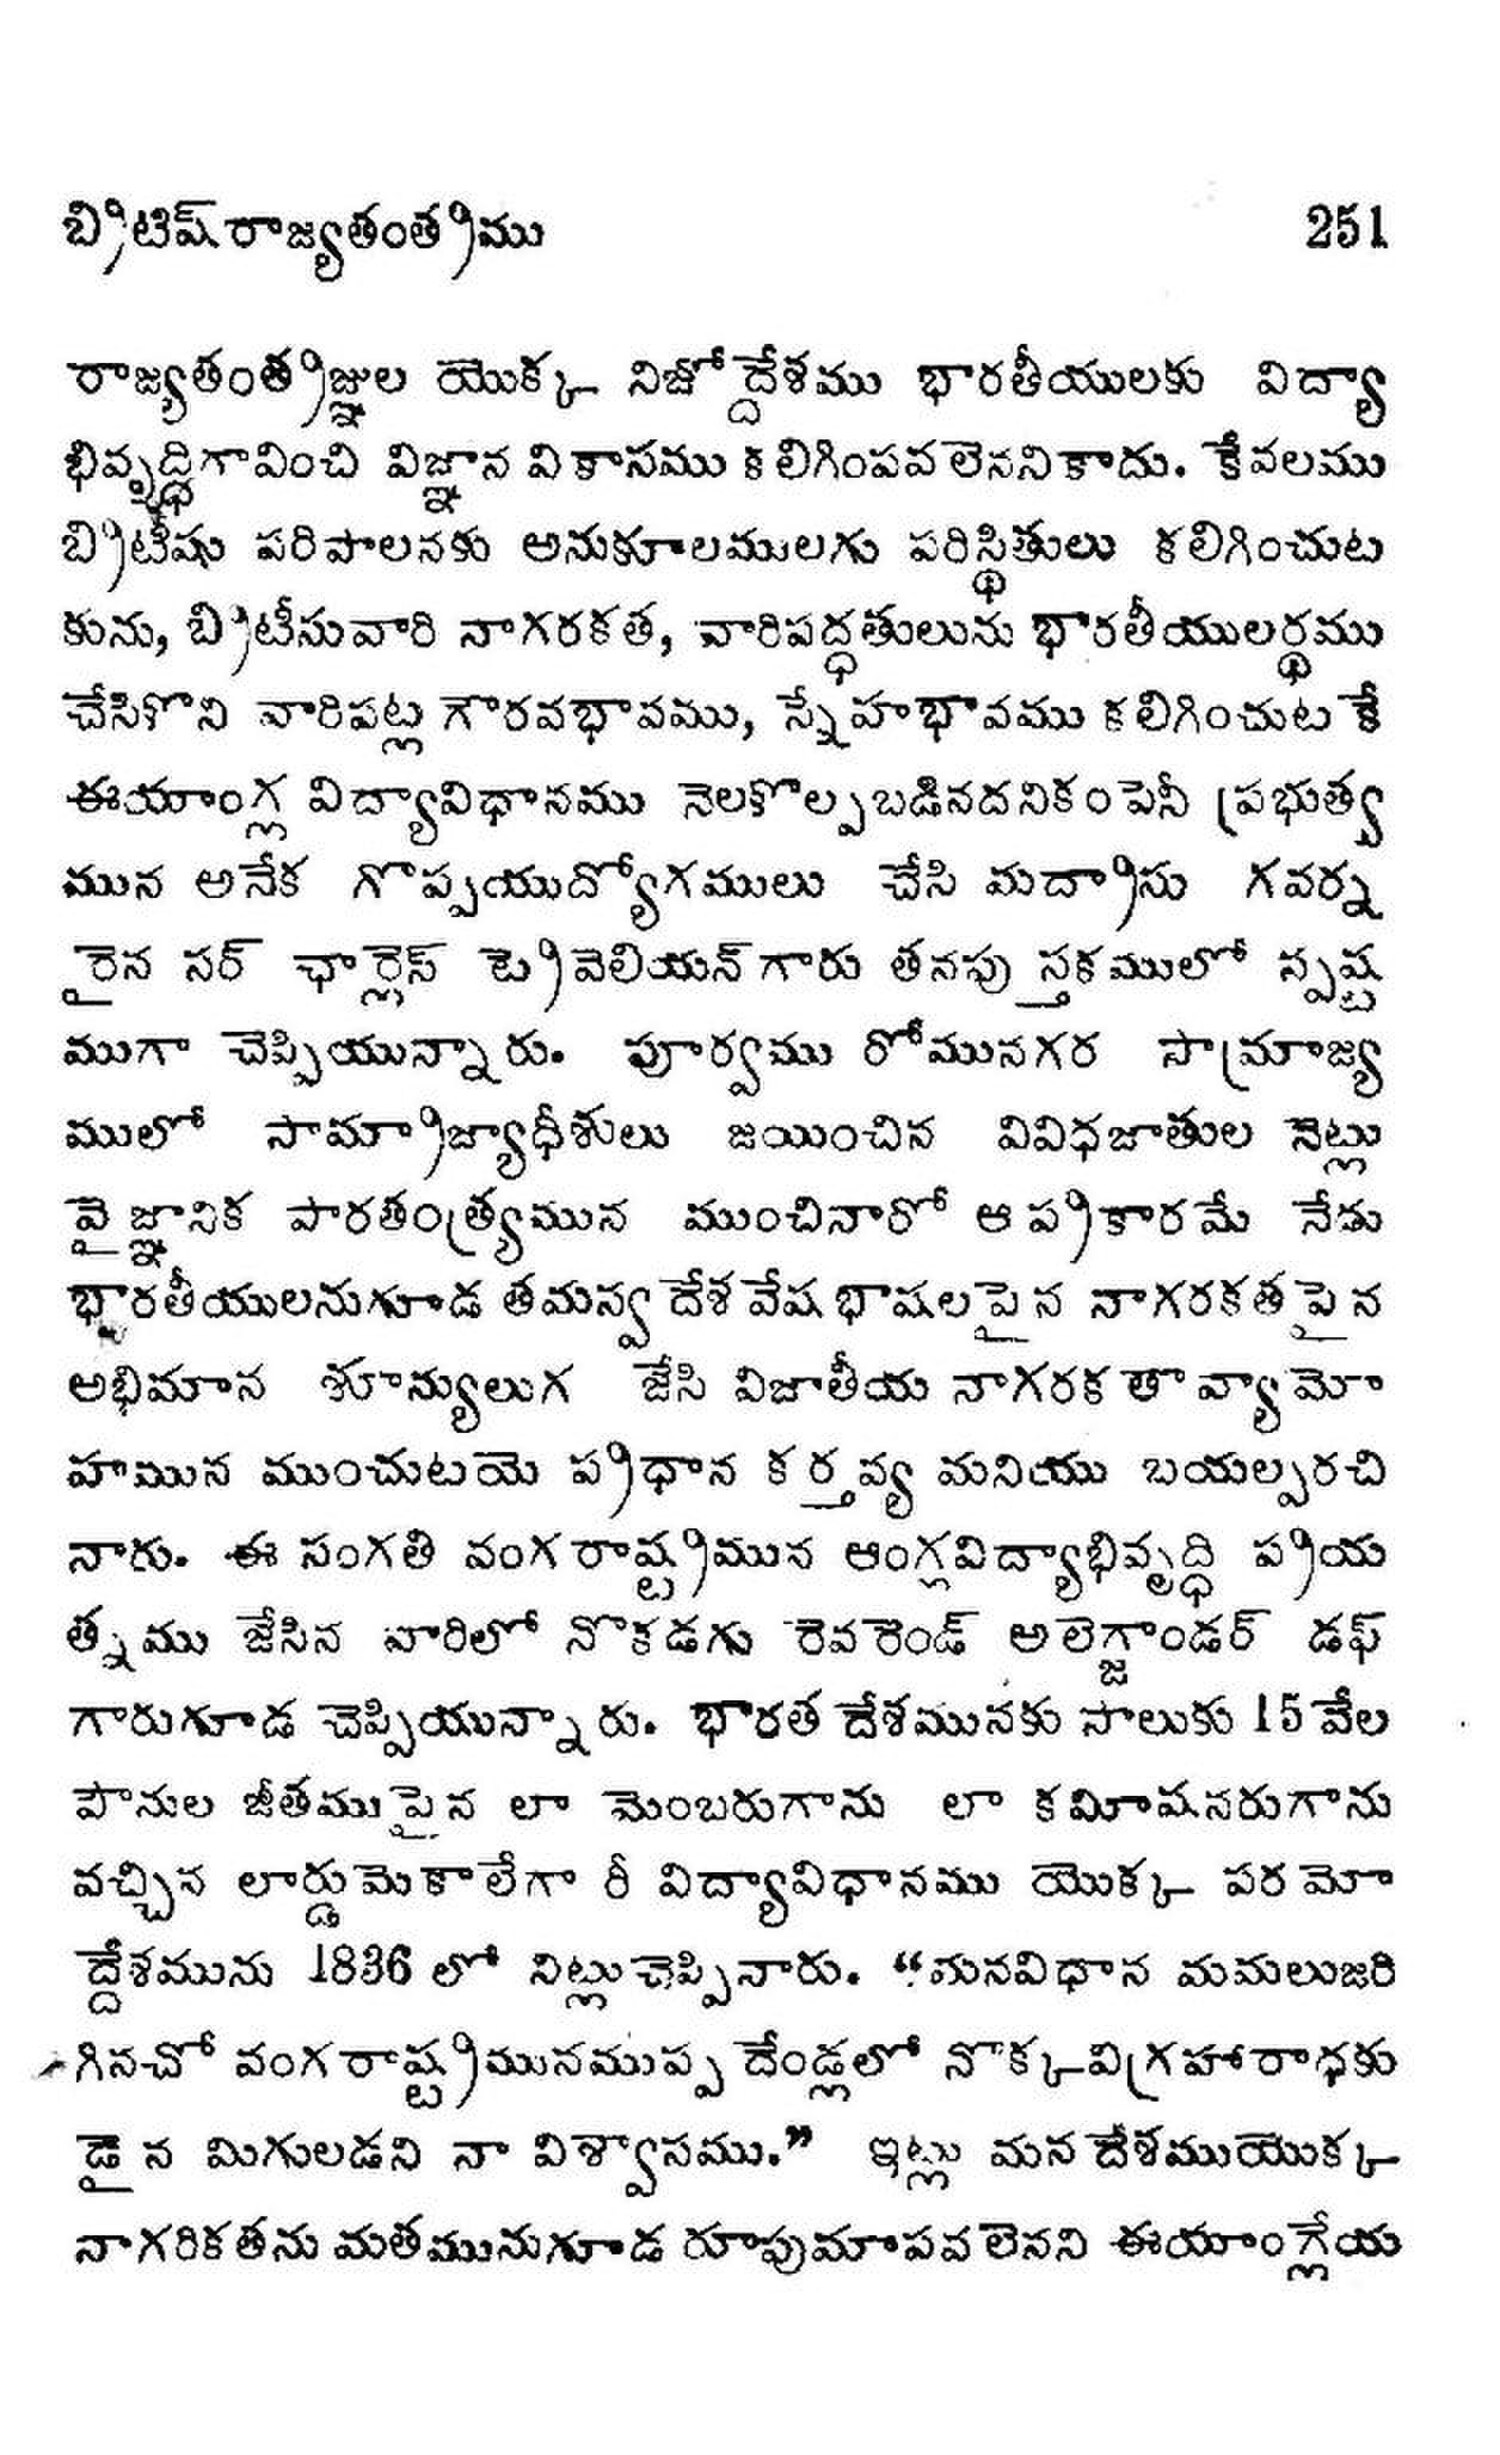రాజ్యతంత్రజ్ఞుల యొక్క నిజోద్దేశము భారతీయులకు విద్యాభివృద్దిగావించి విజ్ఞాన వికాసము కలిగింపవలెననికాదు. కేవలము బ్రిటీషు పరిపాలనకు అనుకూలములగు పరిస్థితులు కలిగించుటకును, బ్రిటీసువారి నాగరకత, వారిపద్ధతులును భారతీయులర్థము చేసికొని వారిపట్ల గౌరవభావము, స్నేహభావము కలిగించుటకే ఈయాంగ్ల విద్యావిధానము నెలకొల్పబడినదనికంపెనీ ప్రభుత్వమున అనేక గొప్పయుద్యోగములు చేసి మద్రాసు గవర్నరైన సర్ ఛార్లెస్ ట్రెవెలియన్ గారు తనపుస్తకములో స్పష్టముగా చెప్పియున్నారు. పూర్వము రోమునగర సామ్రాజ్యములో సామ్రాజ్యాధీశులు జయించిన వివిధజాతుల నెట్లు వైజ్ఞానిక పారతంత్ర్యమున ముంచినారో ఆ ప్రకారమే నేడు భారతీయులనుగూడ తమస్వదేశవేషభాషలపైన నాగరకతపైన అభిమాన శూన్యులుగ జేసి విజాతీయ నాగరకతావ్యామోహమున ముంచుటయే ప్రధాన కర్తవ్య మనియు బయల్పరచినారు. ఈ సంగతి వంగరాష్ట్రమున ఆంగ్లవిద్యాభివృద్ధి ప్రయత్నము జేసిన వారిలో నొకడగు రెవరెండ్ అలెగ్జాండర్ డఫ్ గారుగూడ చెప్పియున్నారు. భారతదేశమునకు సాలుకు 15 వేల పౌనుల జీతముపైన లా మెంబరుగాను లా కమిషనరుగాను వచ్చిన లార్డు మెకాలేగా రీ విద్యావిధానము యొక్క పరమోద్దేశమును 1836 లో నిట్లుచెప్పినారు. "మనవిధాన మమలుజరిగినచో వంగరాష్ట్రమునముప్పదేండ్లలో నొక్కవిగ్రహారాధకుడైన మిగులడని నా విశ్వాసము." ఇట్లు మనదేశముయొక్క నాగరికతను మతమునుగూడ రూపుమాపవలెనని ఈయూంగ్లేయ